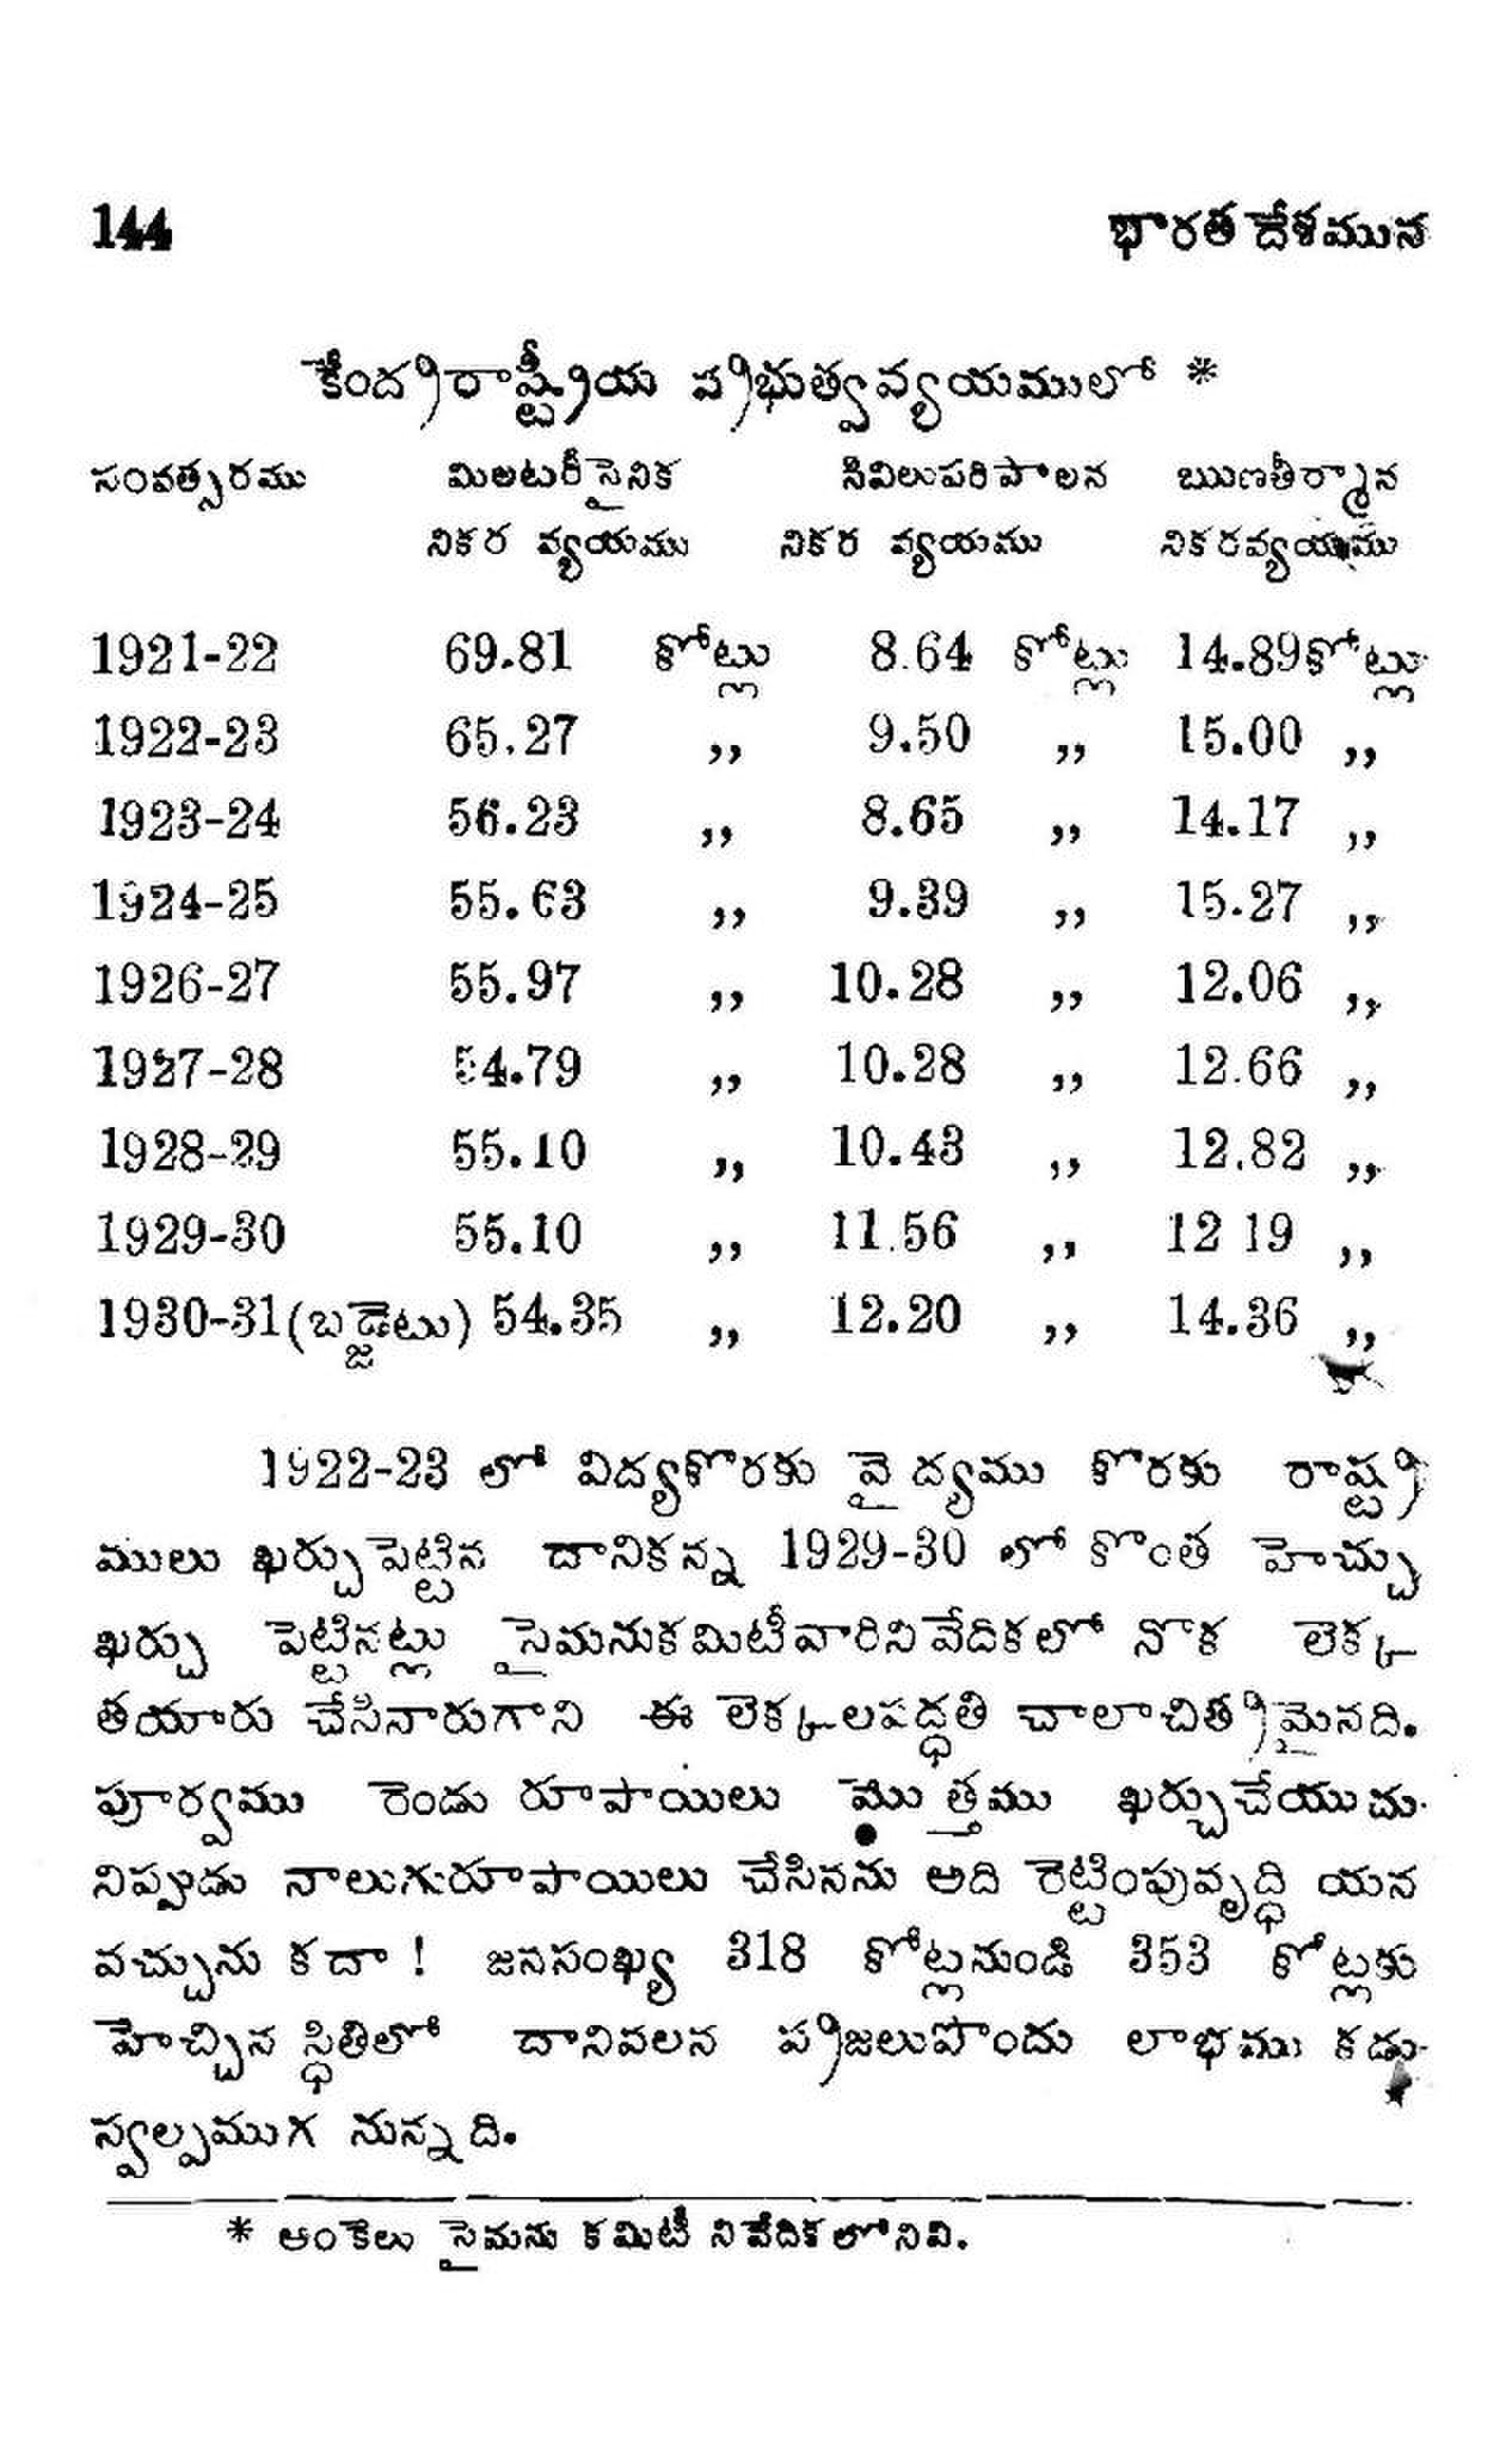కేంద్రరాష్ట్రీయ ప్రభుత్వవ్యయములో

 సంవత్సరము మిలటరీసైనిక నికర వ్యయము సివిలుపరిపాలన నికర వ్యయము ఋణతీర్మాన నికర వ్యయము 1921-22 69.81 కోట్లు 8.64 కోట్లు 14.89 కోట్లు 1922-23 65.27 కోట్లు 9.50 కోట్లు 15.00 కోట్లు 1923-24 56.23 కోట్లు 8.65 కోట్లు 14.17 కోట్లు 1924-25 55.63 కోట్లు 9.39 కోట్లు 15.27 కోట్లు 1926-27 55.97 కోట్లు 10.28 కోట్లు 12.06 కోట్లు 1927-28 54.79 కోట్లు 10.28 కోట్లు 12.66 కోట్లు 1928-29 55.10 కోట్లు 10.43 కోట్లు 12.82 కోట్లు 1929-30 55.10 కోట్లు 11.56 కోట్లు 12. 19 కోట్లు 1930-31 (బడ్జెటు) 54.35 కోట్లు 12.20 కోట్లు 14.36 కోట్లు

1922-23 లో విద్యకొరకు వైద్యము కొరకు రాష్ట్రములు ఖర్చుపెట్టిన దానికన్న 1929-30 లో కొంత హెచ్చు ఖర్చు పెట్టినట్లు సైమనుకమిటీవారినివేదికలో నొక లెక్క తయారు చేసినారుగాని ఈ లెక్కలపద్ధతి చాలాచిత్రమైనది. పూర్వము రెండురూపాయిలు మొత్తము ఖర్చుచేయుచు నిప్పుడు నాలుగురూపాయిలు చేసిననను అది రెట్టింపువృద్ధి యనవచ్చును కదా! జనసంఖ్య 318 కోట్లనుండి 353 కోట్లకు హెచ్చిన స్థితిలో దానివలన ప్రజలుపొందు లాభము కడు స్వల్పముగ నున్నది.